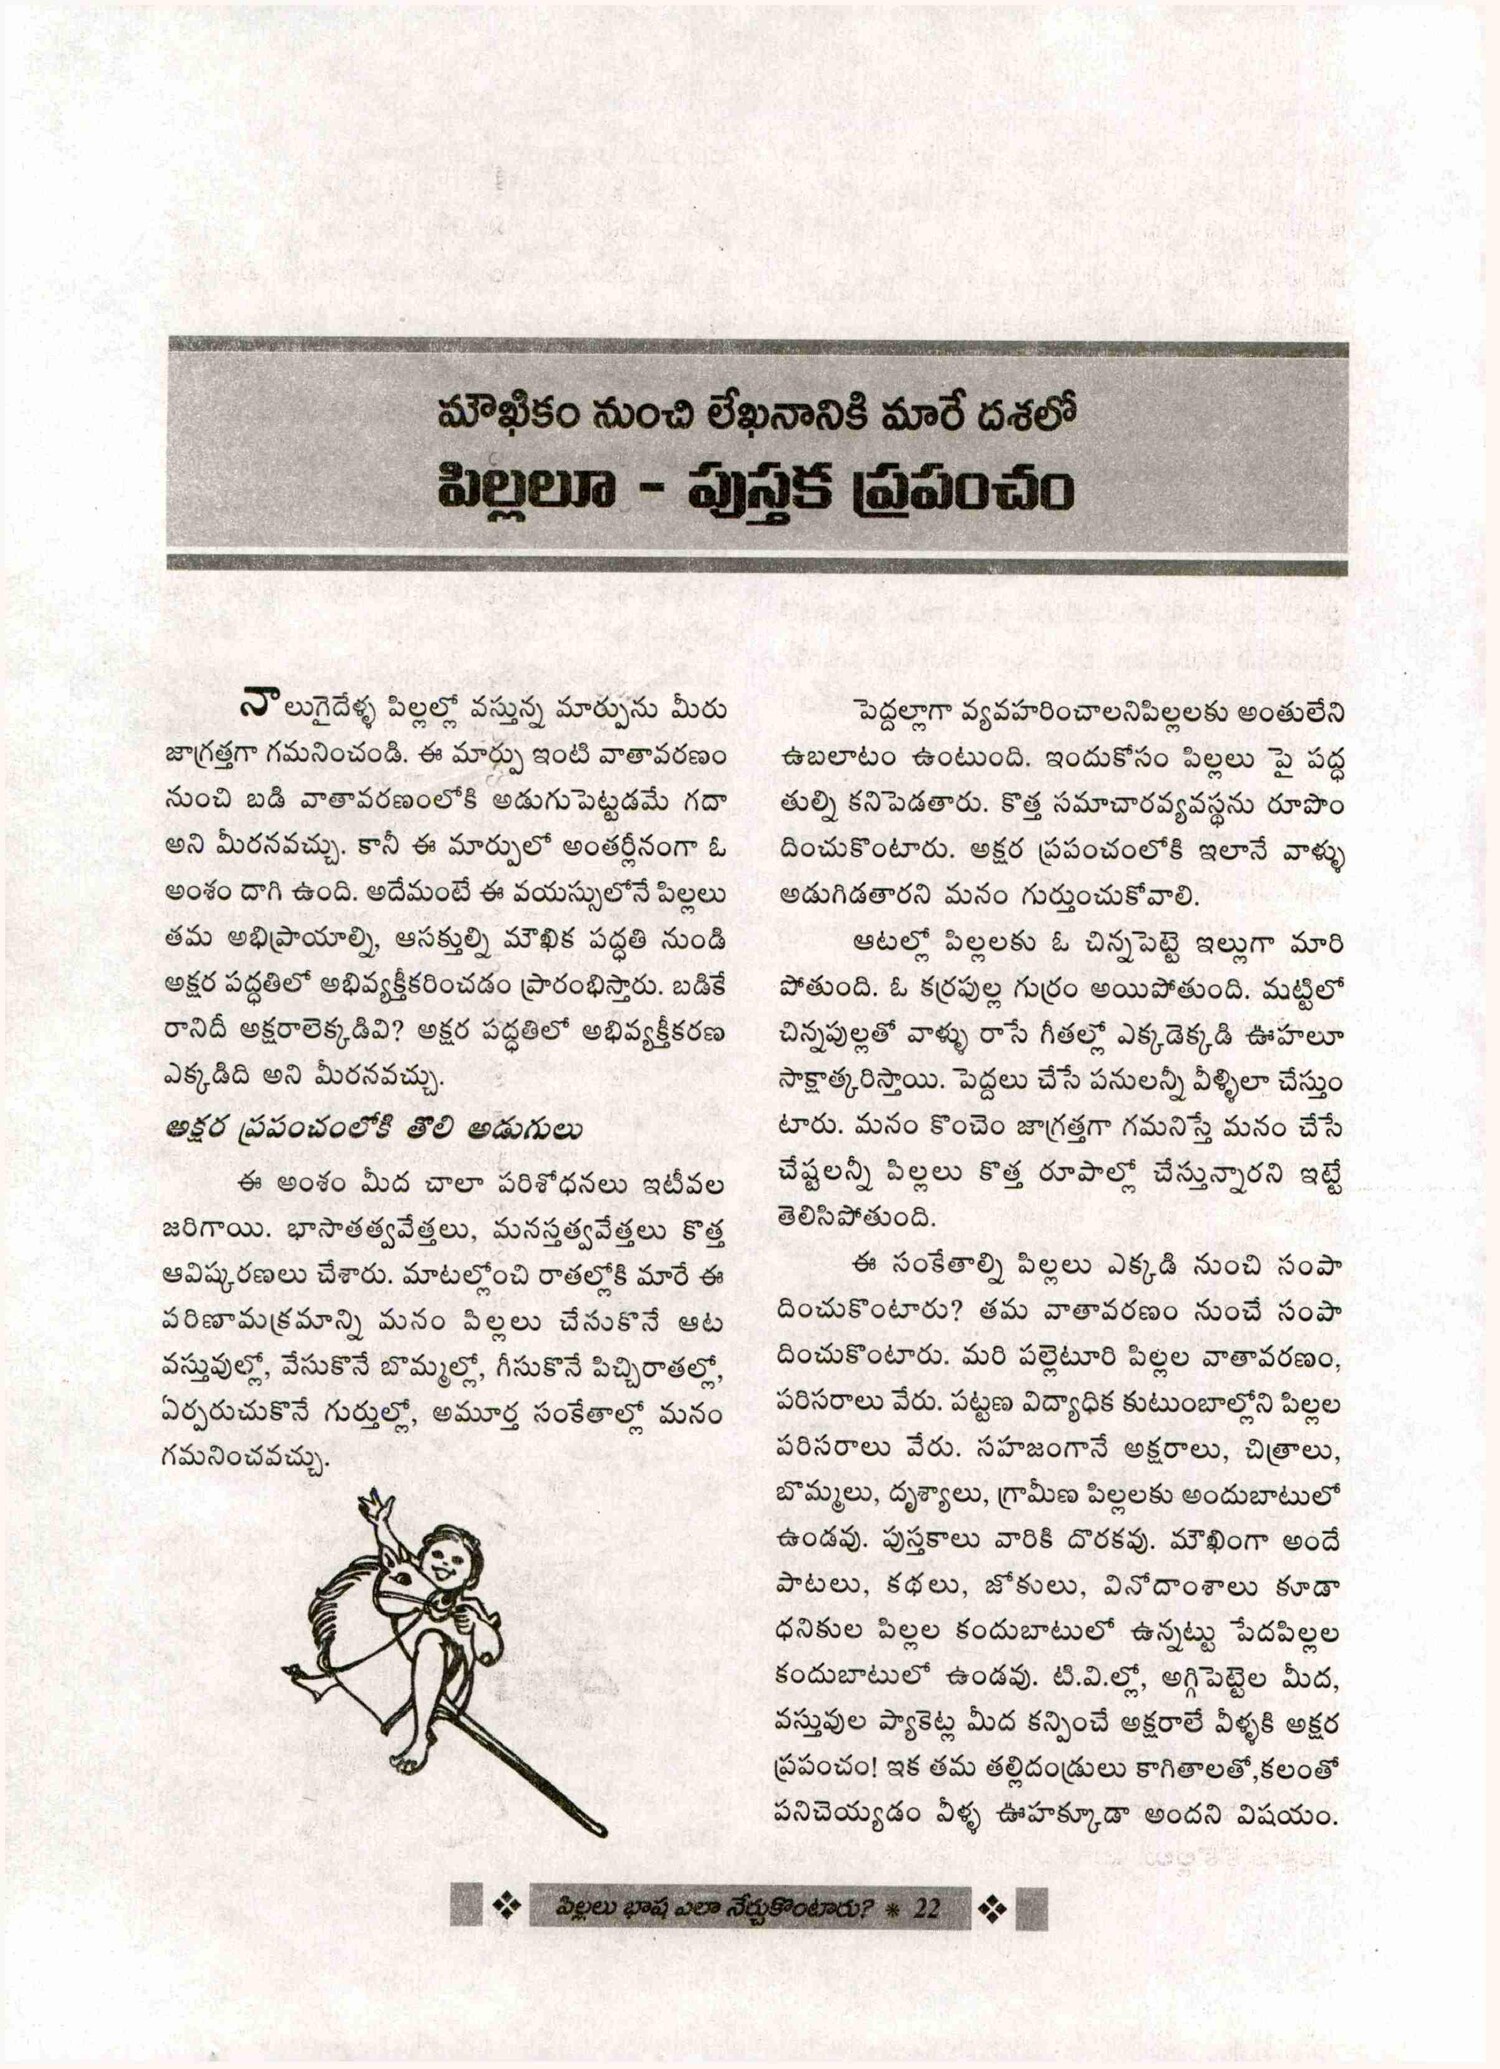మౌఖికం నుంచి లేఖనానికి మారే దశలో
పిల్లలూ - పుస్తక ప్రపంచం

నాలుగైదేళ్ళ పిల్లల్లో వస్తున్న మార్పును మీరు జాగ్రత్తగా గమనించండి. ఈ మార్పు ఇంటి వాతావరణం నుంచి బడి వాతావరణంలోకి అడుగుపెట్టడమే గదా అని మీరనవచ్చు. కానీ ఈ మార్పులో అంతర్లీనంగా ఓ అంశం దాగి ఉంది. అదేమంటే ఈ వయస్సులోనే పిల్లలు తమ అభిప్రాయాల్ని, ఆసక్తుల్ని మౌఖిక పద్దతి నుండి అక్షర పద్ధతిలో అభివ్యక్తీకరించడం ప్రారంభిస్తారు. బడికే రానిదీ అక్షరాలెక్కడివి? అక్షర పద్ధతిలో అభివ్యక్తీకరణ ఎక్కడిది అని మీరనవచ్చు.

అక్షర ప్రపంచంలోకి తొలి అడుగులు

ఈ అంశం మీద చాలా పరిశోధనలు ఇటీవల జరిగాయి. భాసాతత్వవేత్తలు, మనస్తత్వవేత్తలు కొత్త ఆవిష్కరణలు చేశారు. మాటల్లోంచి రాతల్లోకి మారే ఈ పరిణామక్రమాన్ని మనం పిల్లలు చేసుకొనే ఆట వస్తువుల్లో, వేసుకొనే బొమ్మల్లో, గీసుకొనే పిచ్చిరాతల్లో, ఏర్పరుచుకొనే గుర్తుల్లో, అమూర్త సంకేతాల్లో మనం గమనించవచ్చు.

పెద్దల్లాగా వ్యవహరించాలని పిల్లలకు అంతులేని ఉబలాటం ఉంటుంది. ఇందుకోసం పిల్లలు పై పద్ధతుల్ని కనిపెడతారు. కొత్త సమాచారవ్యవస్థను రూపొందించుకొంటారు. అక్షర ప్రపంచంలోకి ఇలానే వాళ్ళు అడుగిడతారని మనం గుర్తుంచుకోవాలి.

ఆటల్లో పిల్లలకు ఓ చిన్నపెట్టె ఇల్లుగా మారిపోతుంది. ఓ కర్రపుల్ల గుర్రం అయిపోతుంది. మట్టిలో చిన్నపుల్లతో వాళ్ళు రాసే గీతల్లో ఎక్కడెక్కడి ఊహలూ సాక్షాత్కరిస్తాయి. పెద్దలు చేసే పనులన్నీ వీళ్ళిలా చేస్తుంటారు. మనం కొంచెం జాగ్రత్తగా గమనిస్తే మనం చేసే చేష్టలన్నీ పిల్లలు కొత్త రూపాల్లో చేస్తున్నారని ఇట్టే తెలిసిపోతుంది.

ఈ సంకేతాల్ని పిల్లలు ఎక్కడి నుంచి సంపాదించుకొంటారు? తమ వాతావరణం నుంచే సంపాదించుకొంటారు. మరి పల్లెటూరి పిల్లల వాతావరణం, పరిసరాలు వేరు. పట్టణ విద్యాధిక కుటుంబాల్లోని పిల్లల పరిసరాలు వేరు. సహజంగానే అక్షరాలు, చిత్రాలు, బొమ్మలు, దృశ్యాలు, గ్రామీణ పిల్లలకు అందుబాటులో ఉండవు. పుస్తకాలు వారికి దొరకవు. మౌఖింగా అందే పాటలు, కథలు, జోకులు, వినోదాంశాలు కూడా ధనికుల పిల్లల కందుబాటులో ఉన్నట్టు పేదపిల్లల కందుబాటులో ఉండవు. టి.వి. ల్లో, అగ్గిపెట్టెల మీద, వస్తువుల ప్యాకెట్ల మీద కన్పించే అక్షరాలే వీళ్ళకి అక్షర ప్రపంచం! ఇక తమ తల్లిదండ్రులు కాగితాలతో, కలంతో పనిచెయ్యడం వీళ్ళ ఊహక్కూడా అందని విషయం.